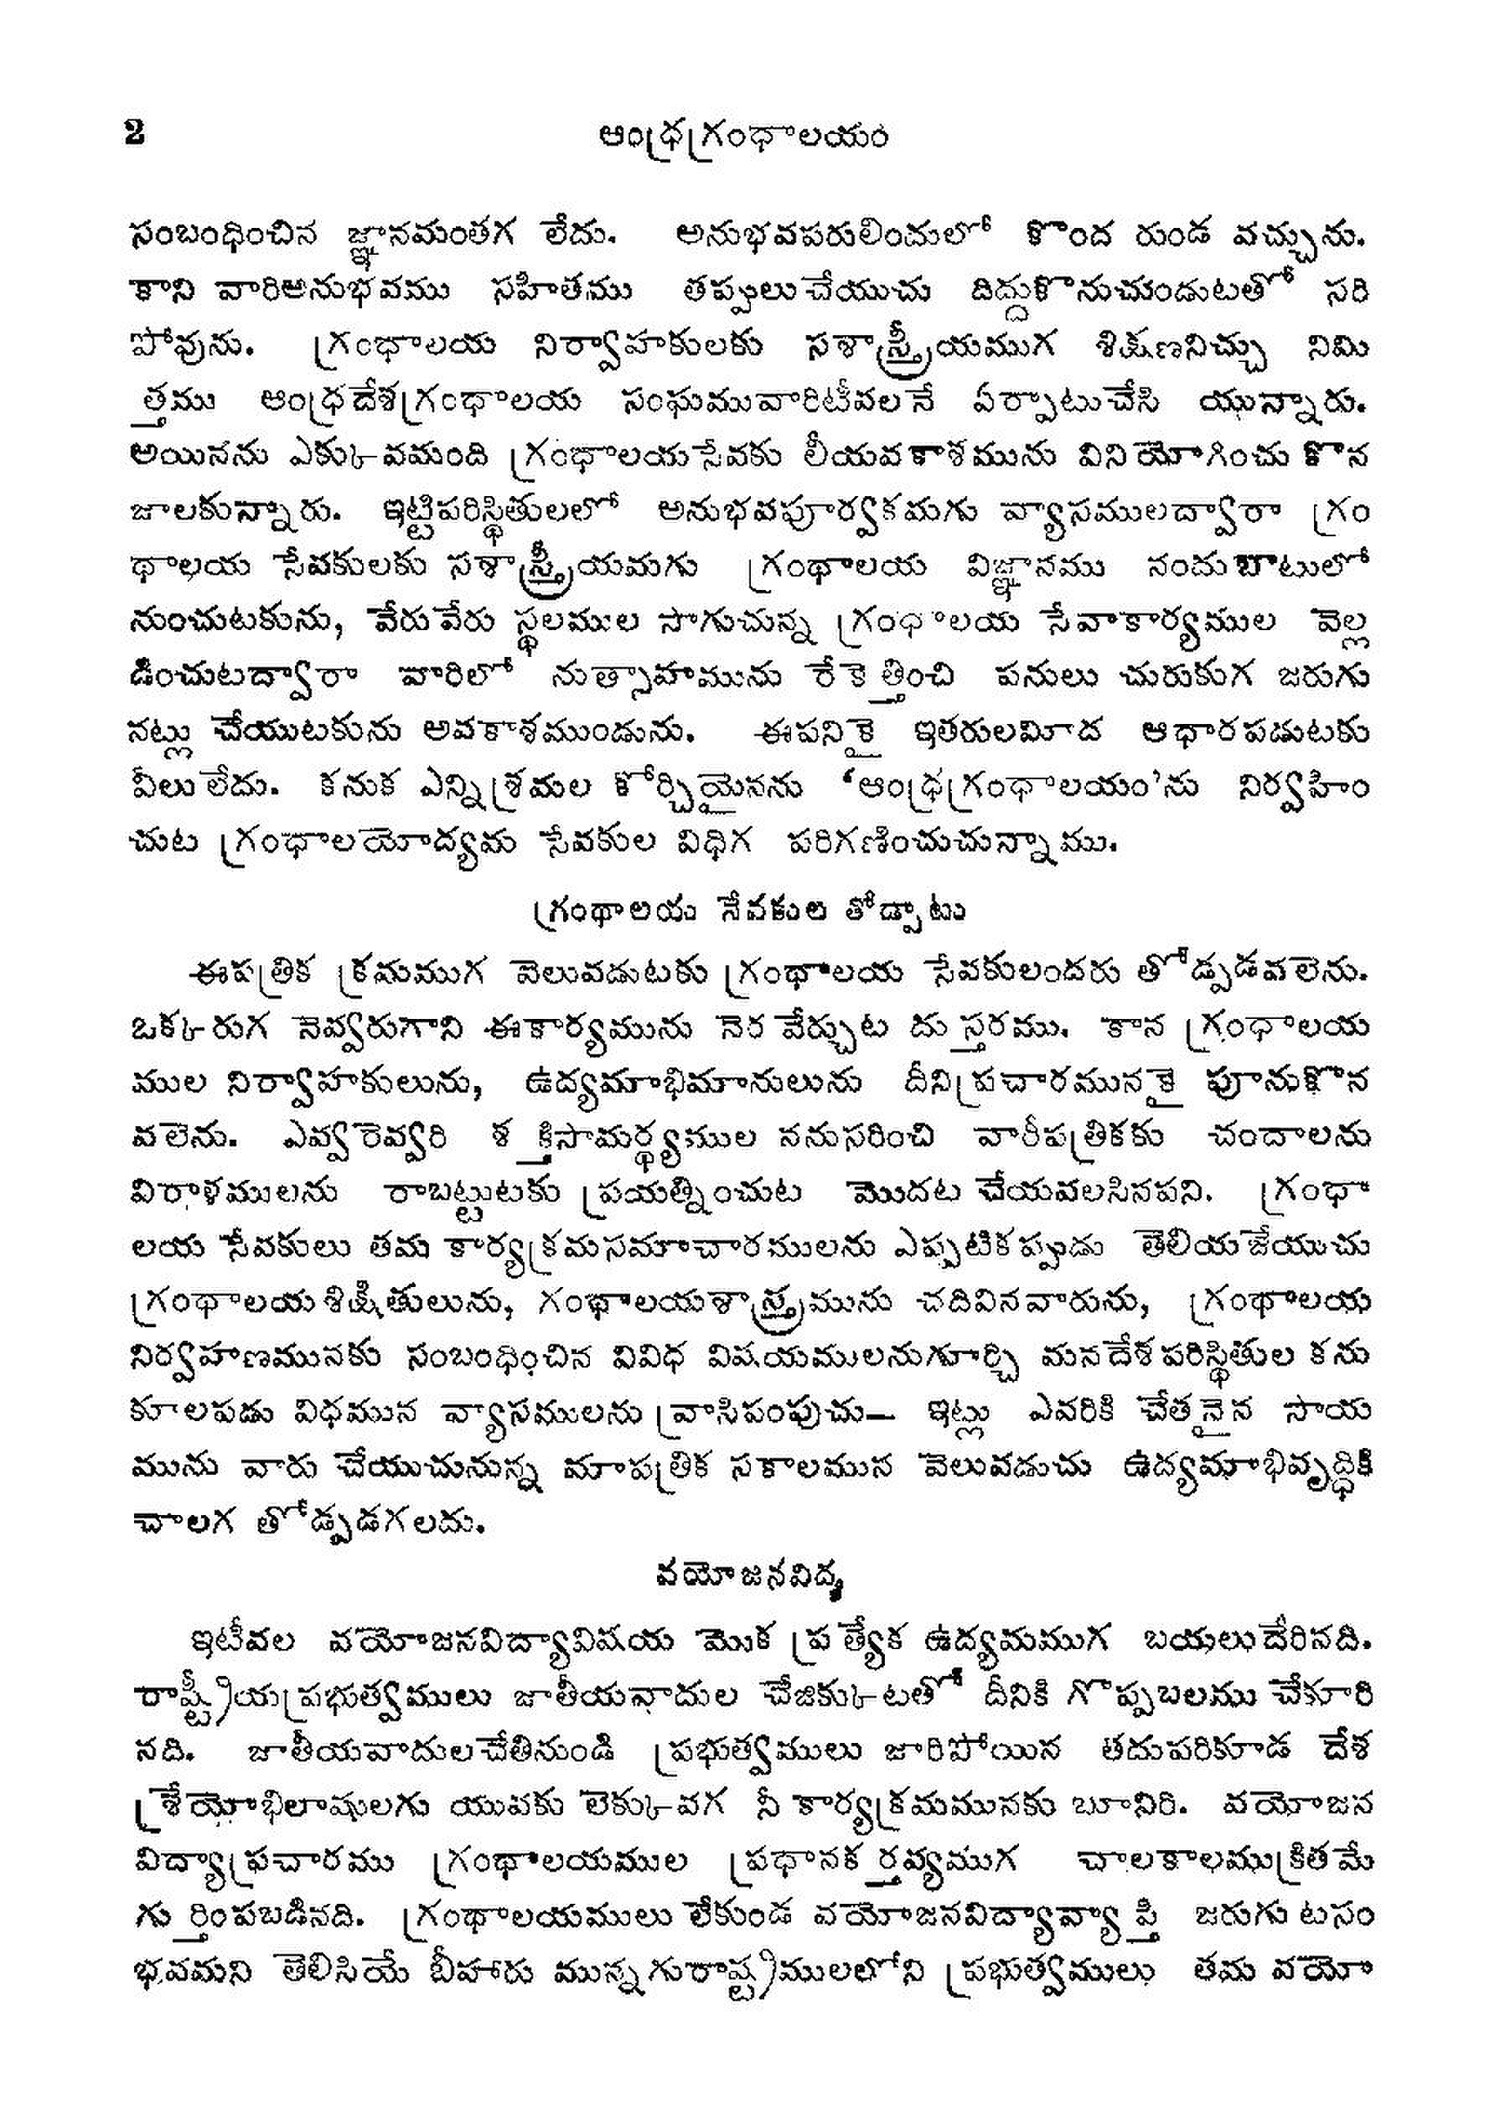సంబంధించిన జ్ఞానమంతగ లేదు. అనుభవపరులిందులో కొందరుండ వచ్చును.
కాని వారి అనుభవము సహితము తప్పులు చేయుచు దిద్దుకొనుచుండుటతో సరి
పోవును. గ్రంథాలయ నిర్వాహకులకు సశాస్త్రీయముగ శిక్షణనిచ్చు నిమి
త్తము ఆంధ్రదేశ గ్రంధాలయ సంఘమువారిటీవలనే ఏర్పాటు చేసి యున్నారు.
అయినను ఎక్కువమంది గ్రంథాలయ సేవకు లీయవకాశమును వినియోగించుకొన
జాలకున్నారు. ఇట్టిపరిస్థితులలో అనుభవపూర్వకమగు వ్యాసముల ద్వారా గ్రం
థాలయ సేవకులకు సశాస్త్రీయమగు గ్రంథాలయ విజ్ఞానము నందుబాటులో
నుంచుటకును, వేరు వేరు స్థలములు సాగుచున్న గ్రంథాలయ సేవాకార్యములు వెల్ల
డించుటద్వారా వారిలో నుత్సాహమును రేకెత్తించి పనులు చురుకుగ జరుగు
నట్లు చేయుటకును అవకాశముండును. ఈ పనికై ఇతరులమీద ఆధారపడుటకు
వీలు లేదు. కనుక ఎన్నిశ్రమల కోర్చియైనను 'ఆంధ్రగ్రంధాలయం'ను నిర్వహిం
చుట గ్రంధాలయోద్యమ సేవకుల విధిగ పరిగణించుచున్నాము.

గ్రంథాలయ సేవకుల తోడ్పాటు
ఈ పత్రిక క్రమముగ వెలువడుటకు గ్రంథాలయ సేవకులందరు తోడ్పడవలెను.
ఒక్కరుగ నెవ్వరు గాని ఈ కార్యమును నెరవేర్చుట దుస్తరము. కాన గ్రంథాలయ
ముల నిర్వాహకులును, ఉద్యమాభిమానులును దీని ప్రచారమునకై పూనుకొన
వలెను. ఎవ్వరెవ్వరి శక్తిసామర్థ్యముల ననుసరించి వారీపత్రికకు చందాలను
విరాళములను రాబట్టుటకు ప్రయత్నించుట మొదట చేయవలసినపని. గ్రంధా
లయ సేవకులు తమ కార్యక్రమసమాచారములను ఎప్పటికప్పుడు తెలియజేయుచు
గ్రంథాలయ శిక్షితులును, గంథాలయశాస్త్రమును చదివినవారును, గ్రంథాలయ
నిర్వహణమునకు సంబంధించిన వివిధ విషయములనుగూర్చి మనదేశ పరిస్థితుల కను
కూలపడు విధమున వ్యాసములను వ్రాసిపంపుచు- ఇట్లు ఎవరికి చేతనైన సాయ
మును వారు చేయుచునున్న మాపత్రిక సకాలమున వెలువడుచు ఉద్యమాభివృద్ధికి
చాలగ తోడ్పడగలదు.

ఇటీవల వయోజన విద్యావిషయ మొక ప్రత్యేక ఉద్యమముగ బయలు దేరినది.
రాష్ట్రీయ ప్రభుత్వములు జాతీయవాదులు చేజిక్కుటతో దీనికి గొప్పబలము చేకూరి
నది. జాతీయవాదుల చేతినుండి ప్రభుత్వములు జారిపోయిన తదుపరికూడ దేశ
శ్రేయోభిలాషులగు యువకు లెక్కువగ నీ కార్యక్రమమునకుబూనిరి. వయోజన
విద్యాప్రచారము గ్రంథాలయములు ప్రధానకర్తవ్యముగ చాలకాలము క్రితమే
గుర్తింపబడినది. గ్రంథాలయములు లేకుండ వయోజనవిద్యావ్యాప్తి జరుగు టసం
భవమని తెలిసియే బీహారు మున్నగురాష్ట్రములలోని ప్రభుత్వములు తమ వయో